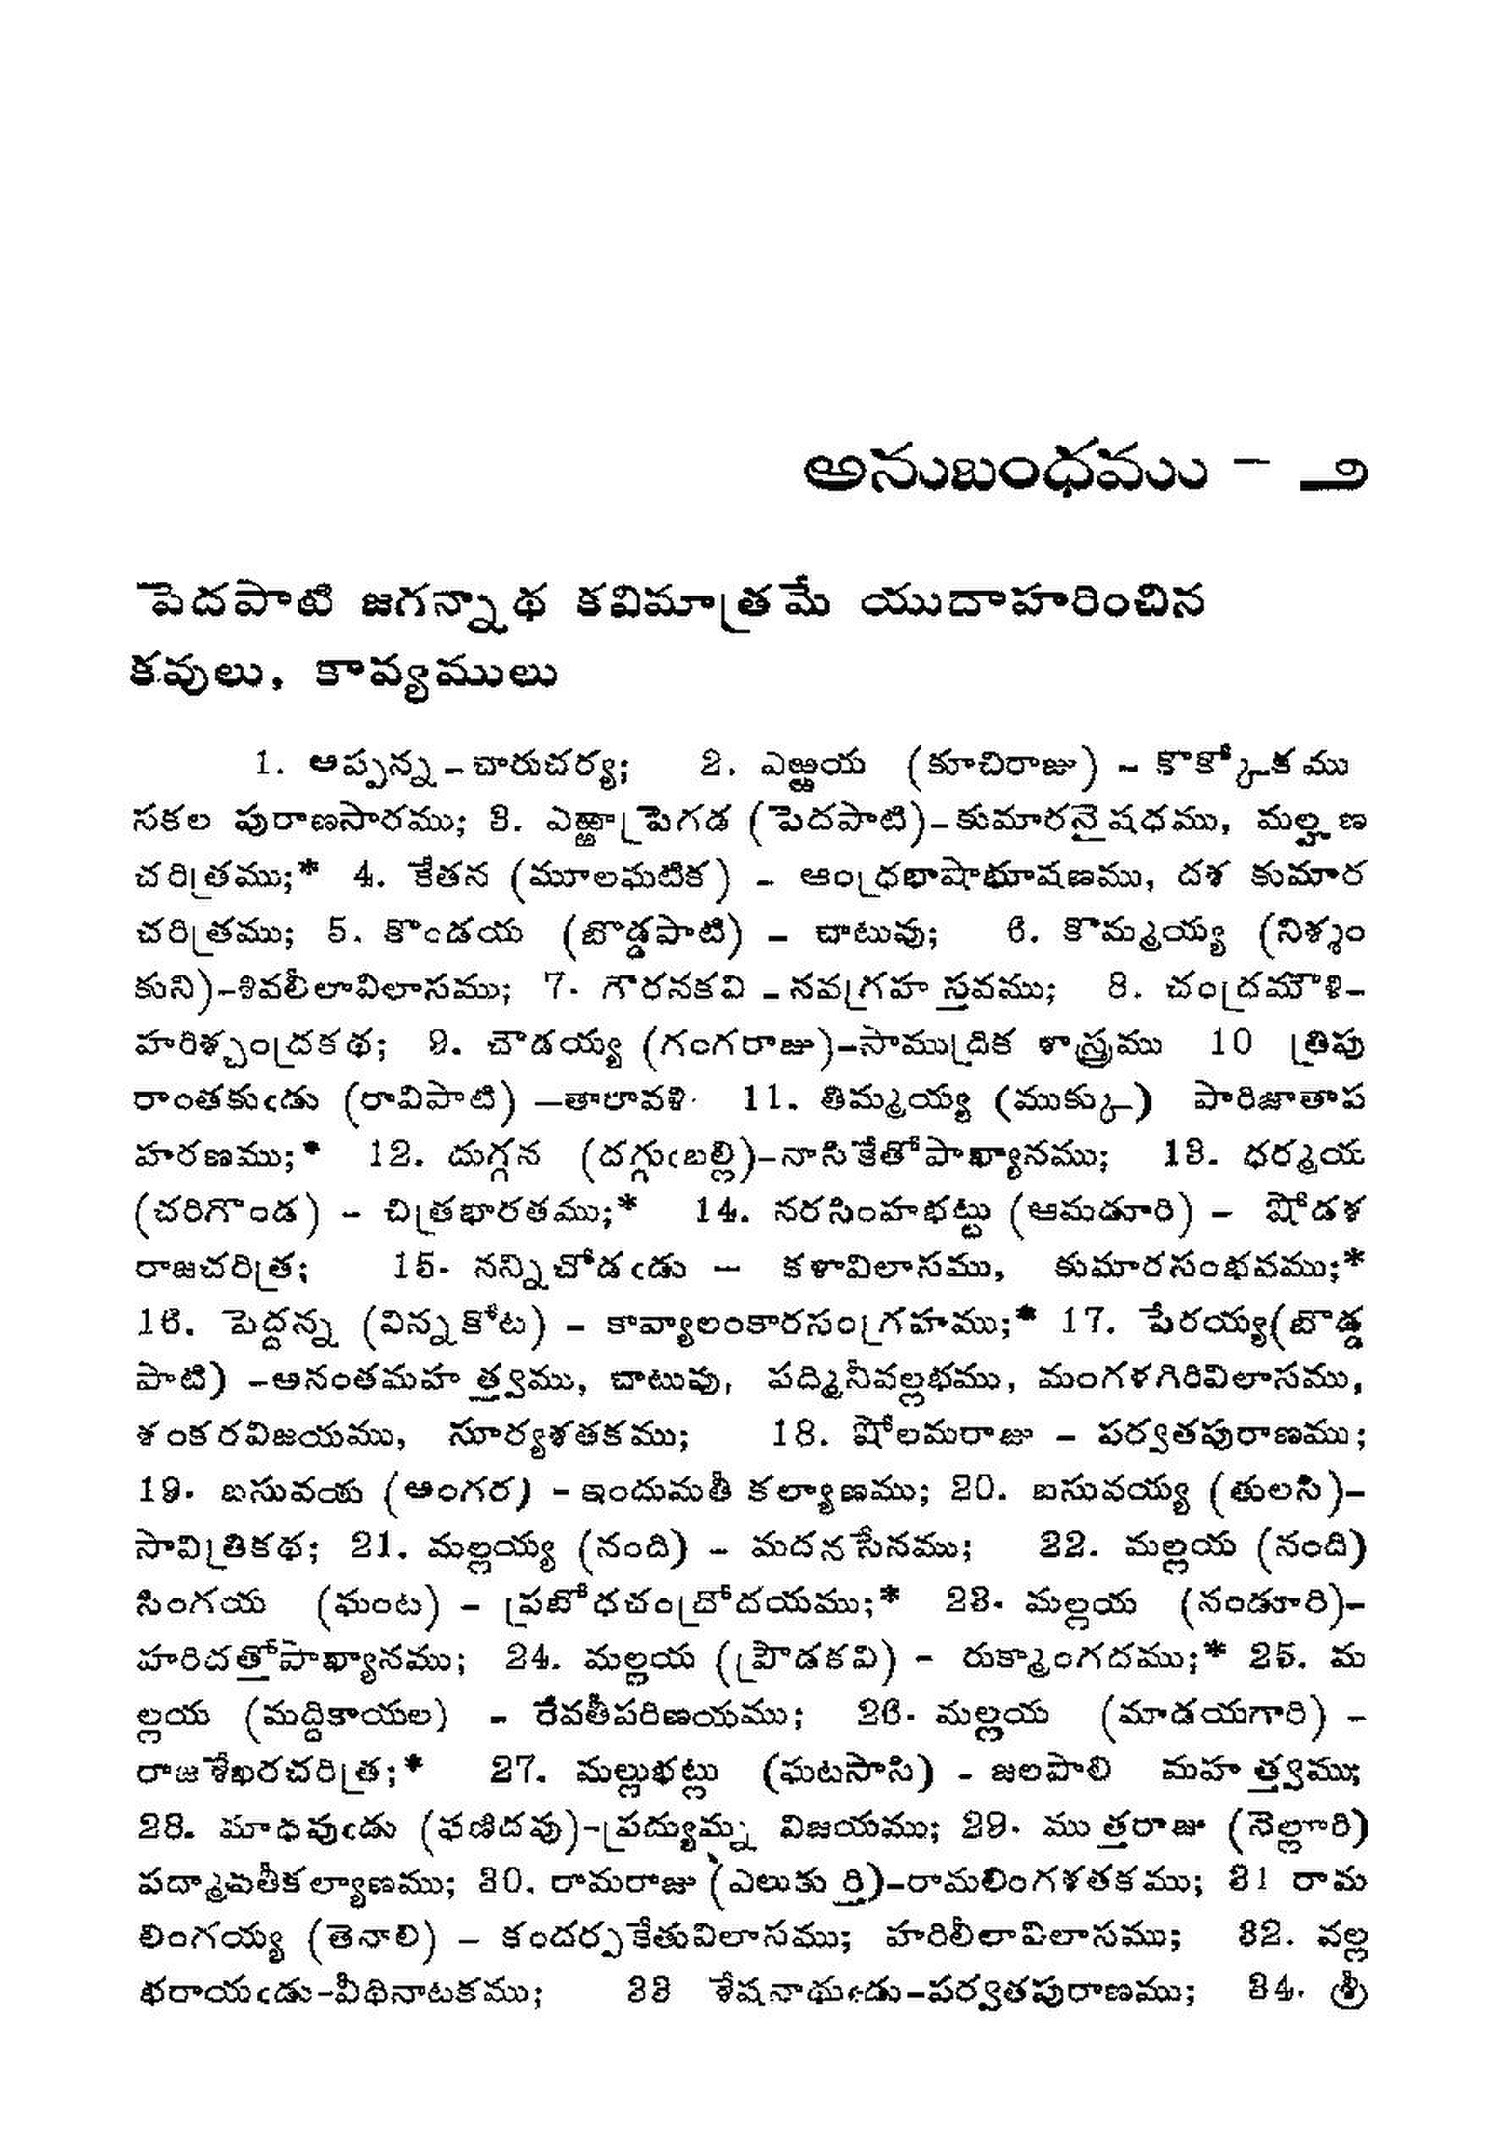పెదపాటి జగన్నాథ కవిమాత్రమే యుదాహరించిన కవులు, కావ్యములు
1. అప్పన్న - చారుచర్య; 2. ఎఱ్ఱయ (కూచిరాజు) - కొక్కోకము సకల పురాణసారము; 3. ఎఱ్ఱాపెగడ (పెదపాటి)- కుమారనైషధము, మల్హణచరిత్రము;* 4. కేతన (మూలఘటిక) - ఆంధ్రభాషాభూషణము, దశ కుమారచరిత్రము; 5. కొండయ (బొడ్డపాటి) - చాటువు; 6. కొమ్మయ్య (నిశ్శంకుని)-శివలీలావిలాసము; 7. గౌరనకవి - నవగ్రహస్తవము; 8. చంద్రమౌళి-హరిశ్చంద్రకథ; 2. చౌడయ్య (గంగరాజు)-సాముద్రిక శాస్త్రము; 10 త్రిపురాంతకుఁడు (రావిపాటి) - తారావళి; 11. తిమ్మయ్య (ముక్కు) పారిజాతాపహరణము; 12. దుగ్గన (దగ్గుఁబల్లి)-నాసికేతోపాఖ్యానము; 13. ధర్మయ (చరిగొండ) - చిత్రభారతము;* 14. నరసింహభట్టు (ఆమడూరి) - షోడశరాజచరిత్ర; 15. నన్నిచోడఁడు - కళావిలాసము, కుమారసంభవము;* 8. పెద్దన్న (విన్నకోట) - కావ్యాలంకారసంగ్రహము; * 17. పేరయ్య(బొడ్డపాటి) - అనంతమహత్త్వము, చాటువు, పద్మినీవల్లభము, మంగళగిరివిలాసము, శంకరవిజయము, సూర్యశతకము; 18. పోలమరాజు - పర్వతపురాణము; 19. బసువయ (ఆంగర) - ఇందుమతీ కల్యాణము; 20. బసువయ్య (తులసి)- సావిత్రికథ; 21, మల్లయ్య (నంది) - మదన సేనము; 22. మల్లయ (నంది) సింగయ (ఘంట) - ప్రబోధచంద్రోదయము; * 28. మల్లయ (నండూరి)- హరిదత్తోపాఖ్యానము; 24. మల్లయ (ప్రౌఢకవి) - రుక్మాంగదము;* 26. మల్లయ (మద్దికాయల) - రేవతీపరిణయము; 26. మల్లయ (మాదయగారి) - రాజశేఖరచరిత్ర;* 27. మల్లుభట్లు (ఘటసాసి) - జలపాలి మహత్త్వము; 28. మాధవుఁడు (ఫణిదవు)-ప్రద్యుమ్న విజయము; 29. ముత్తరాజు (నెల్లూరి) - పద్మావతీకల్యాణము; 80.
రామరాజు (ఎలుకుర్తి)-రామలింగశతకము; 31 రామలింగయ్య (తెనాలి) - కందర్పకేతువిలాసము; హరిలీలావిలాసము; 32. వల్లభరాయఁడు-వీథినాటకము; 33. శేషనాథుఁడు-పర్వతపురాణము; 34. శ్రీ